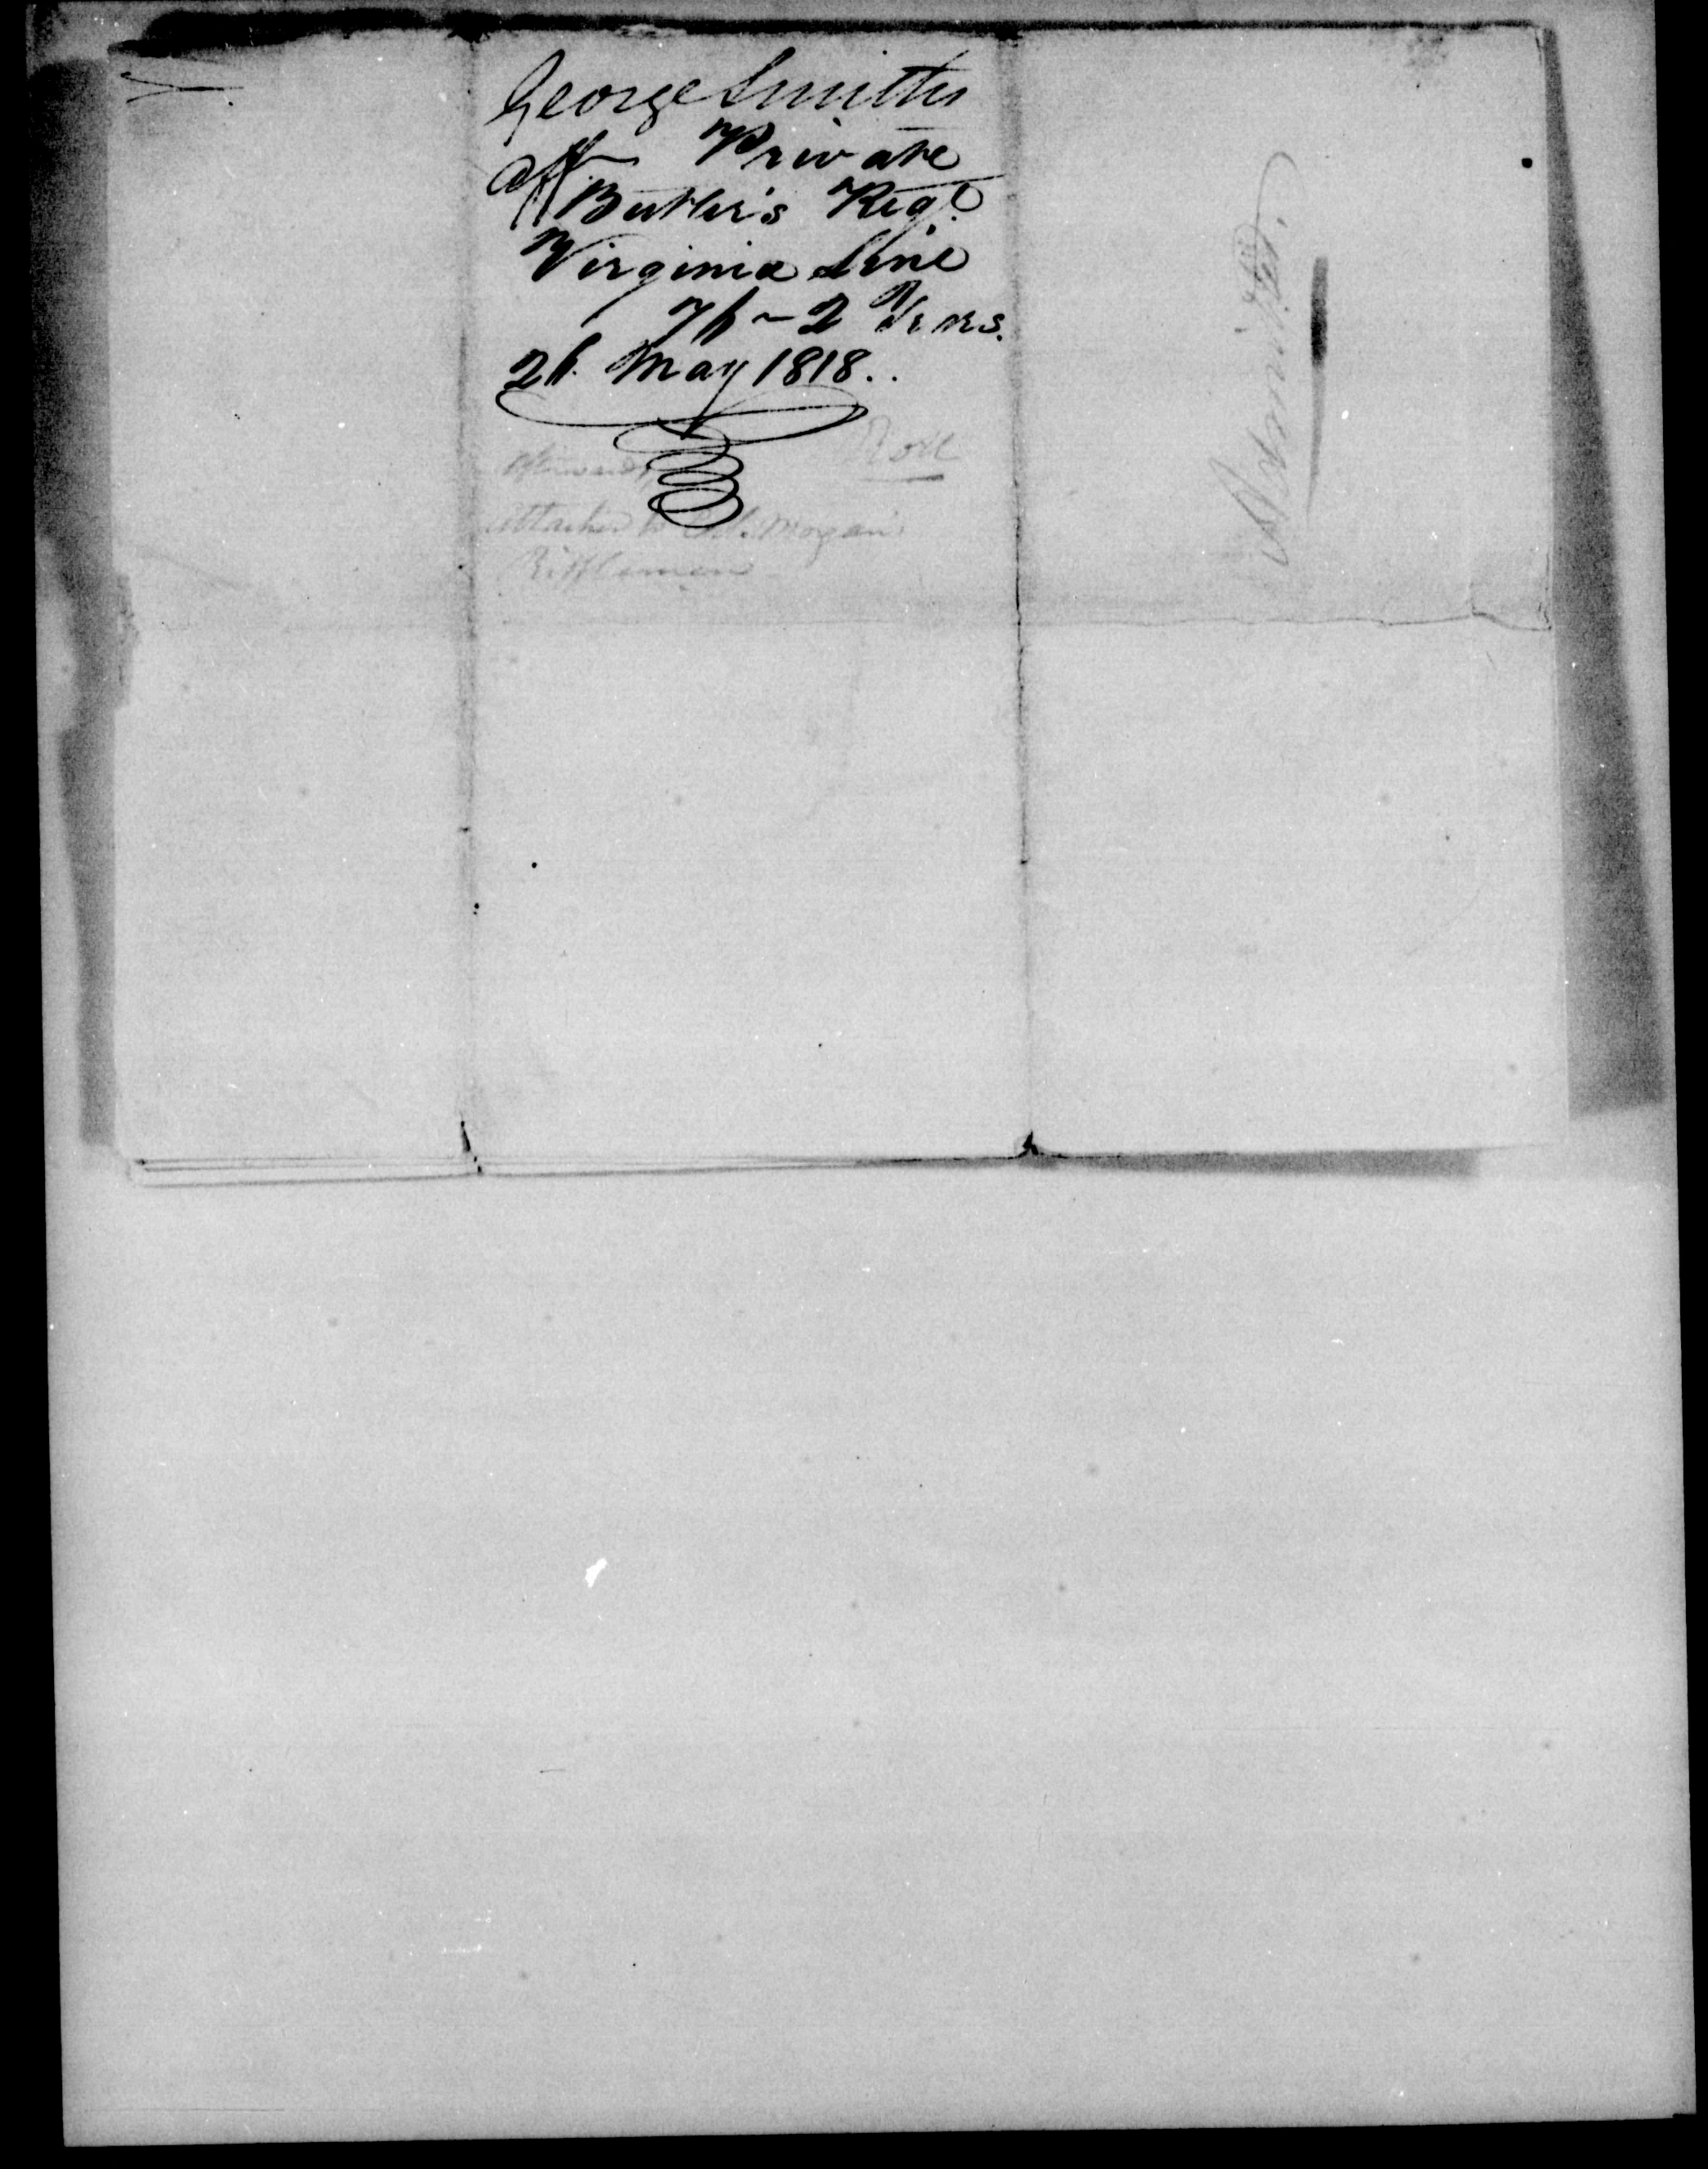George Smith
{illegible} Private
Butler's Regt.
Virginia Line
7 h - 2 years
2 h May 1818. 
{illegible}
attached to Col. Morgan's Rifleman 
{written vertically on right}
Admitted.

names: George Smith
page: 3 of 16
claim: survivor's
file: S. 38,386, for George Smith, Virginia